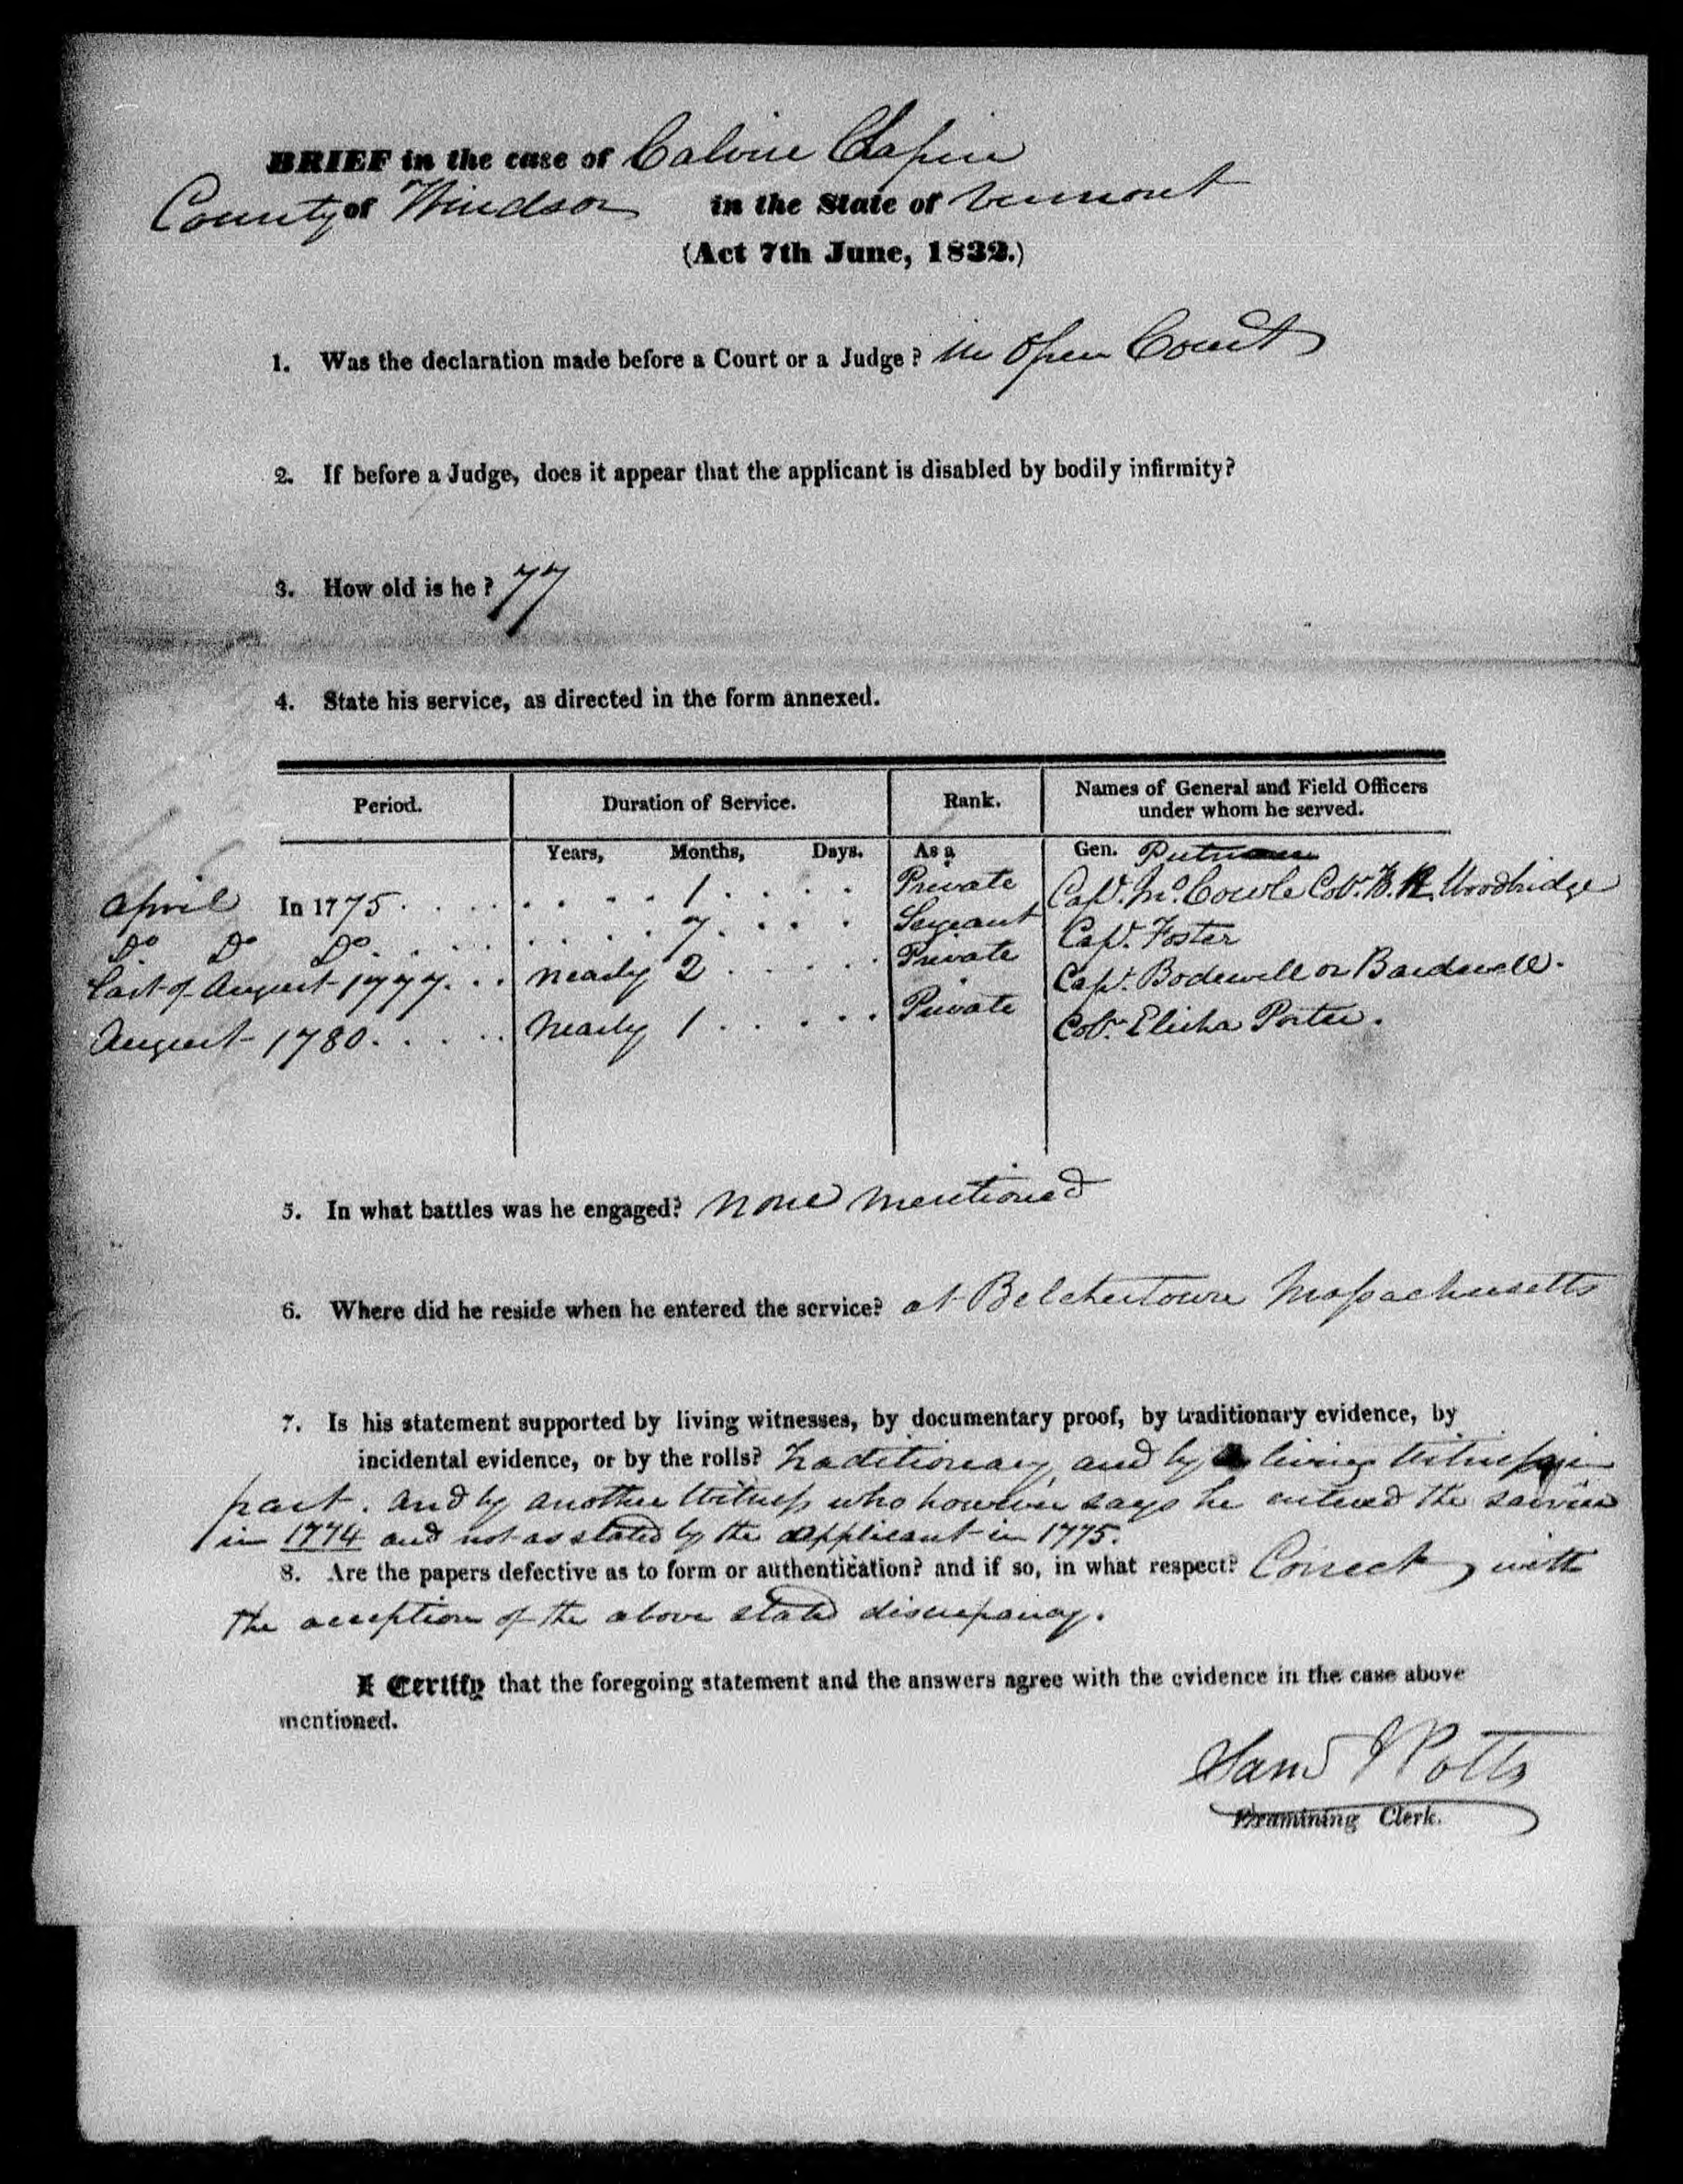BRIEF in the case of Calvin Chapin 
County of Windsor in the State of Vermont
(Act 7th June, 1832.)

1. Was the declaration made before a Court or a Judge: in Open Court
2. If before a Judge, does it appear that the applicant is disabled by bodily infirmity? [blank]
3. How old is he? 77
4. State his service, as directed in the form annexed.
[column headings: Period.|Duration of Service.(Years, Months, Days.)|Rank (As a)|Names of General and Field Officers under whom he served.(Gen. Putnam)|
April In 1775|([blank]|1|[blank])|Private|Capt. Jno. Cowle Col. B.R. Woodbridge|
Do. Do. Do|([blank]|7|[blank])|Sergeant|Capt. Foster|
last of August 1777|(nearly|2|[blank])|Private|Capt. Bodewell or Bardwell.|
August 1780|(nearly|1|[blank])|Private|Col. Elisha Porter.|
[end of columns]
5. In what battles was he engaged? none mentioned
6. Where did he reside when he entered the service? at Belchertown Massachusetts
7. Is his statement supported by living witnesses, by documentary proof, by traditionary evidence, by incidental evidence, or by the rolls? Traditionary, and by living witnesses past. and by another witness who however says he entered the service in 1774 and not as stated by the applicant in 1775.
8. Are the papers defective as to form or authentication? and if so, in what respect? Correct with the acception of the above discrepancy. 
I Certify that the foregoing statement and the answers agree with the evidence in the case above mentioned. 
/s/Sam'l Potts
Examining Clerk.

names: Bardwell, Jno Cowle, Foster, B R Woodbridge, Bodewell, Calvin Chapin, Elisha Porter, Putnam, Saml J Potts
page: 17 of 35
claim: widow's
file: W. 20,864, Calvin Chapin, Mass. Vt.